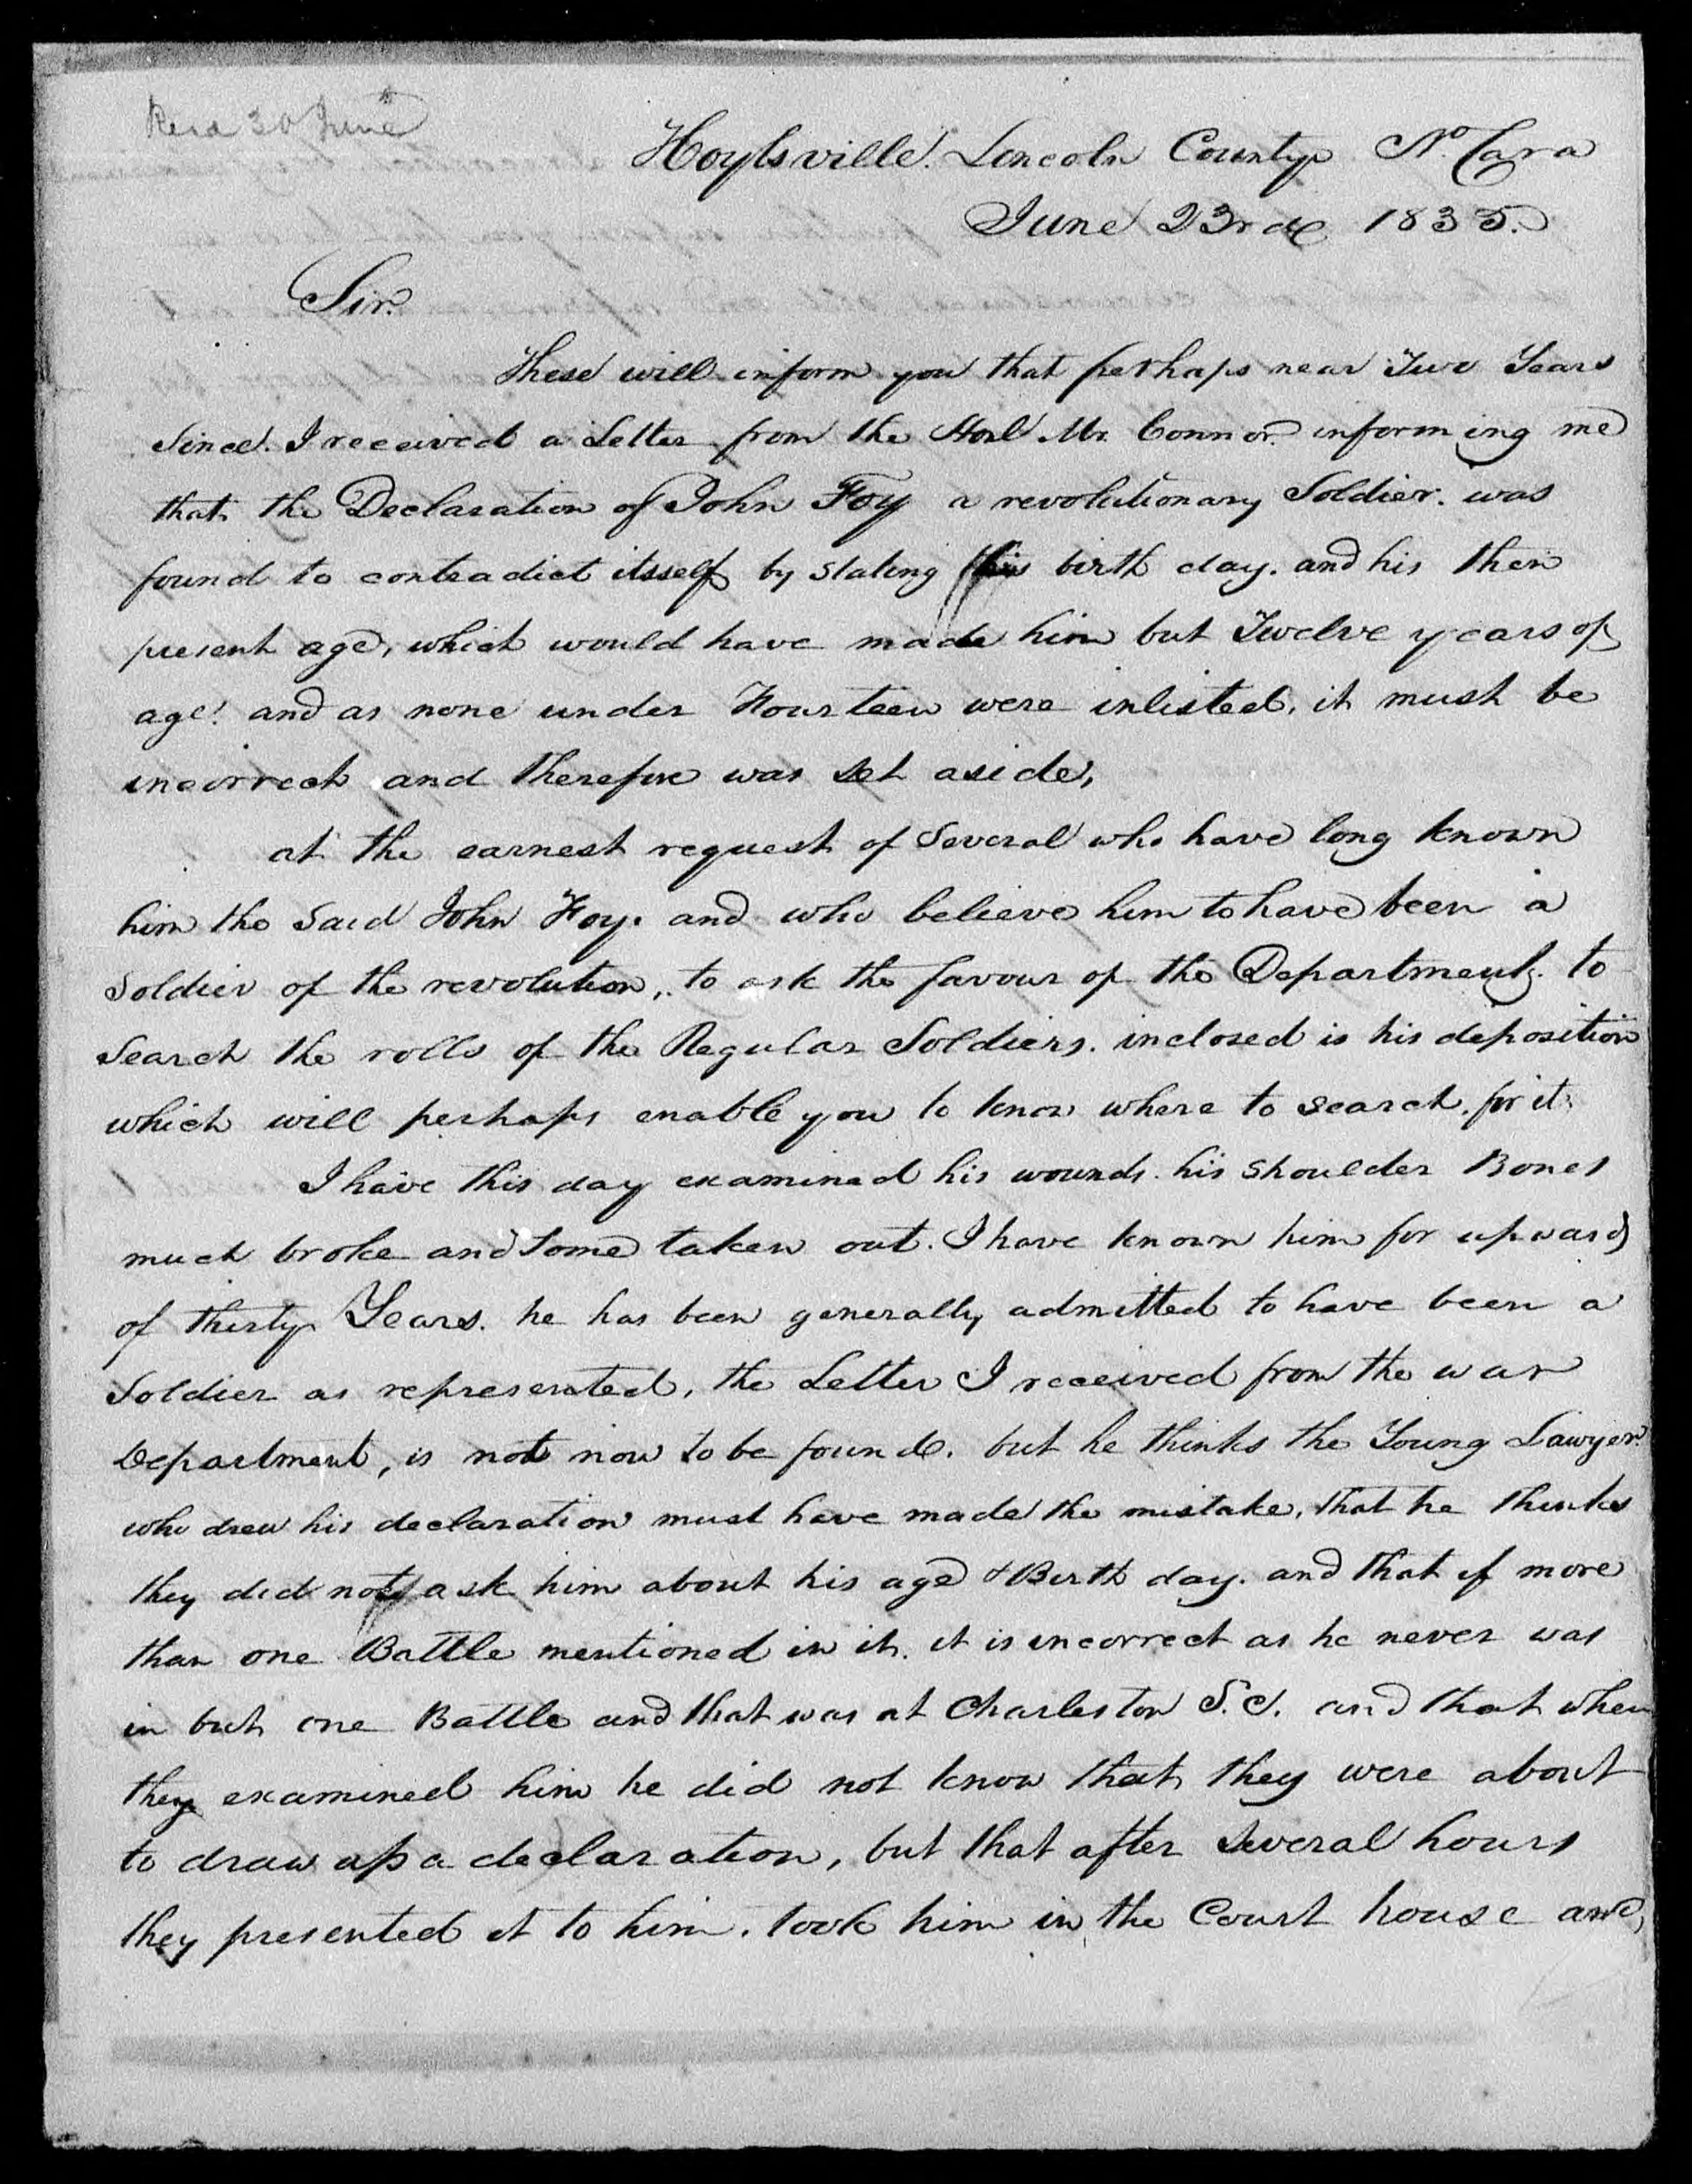Hoylsville Lincoln County No Caro
June 23rd 1835

Sir
These will inform you that perhaps near Two Years since I received a letter from the Honl Mr Connor informing me that the Declaration of John Foy a revolutionary Soldier was found to contradict itsself [sic] by stating his birthday and his then present age, which would have made him but Twelve years of age and as none under Fourteen were enlisted, it must be incorrect and Therefore was set aside.

At the earnest request of Several who have long known him the said John Foy, and who believe him to have been a soldier of the revolution, to ask the favour [sic] of the Department to search the rolls of the Regular Soldiers, inclosed [sic] in his deposition which will perhaps enable you to know where to search first.

I have this day examined his wounds his shoulder Bones much broke and some taken out.  I have known him for upwards of thirty Years.  he has been generally admitted to have been a Soldier as represented, the Letter I received from the War Department , is not now  to be found  but he thinks the Young Lawyer who drew his declaration must have made the mistake, that he thinks they did not ask him about his age + Birthday and that of more than one Battle mentioned in it  it is incorrect as he never was in but one Battle and that was at Charleston S.C. and that when they examined him he did not know that they were about to draw up a declaration, but that after several hours presented it to him, took him in the Count house and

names: John Foy, John Foy, Connor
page: 8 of 11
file: R., John Foy, New Jersey